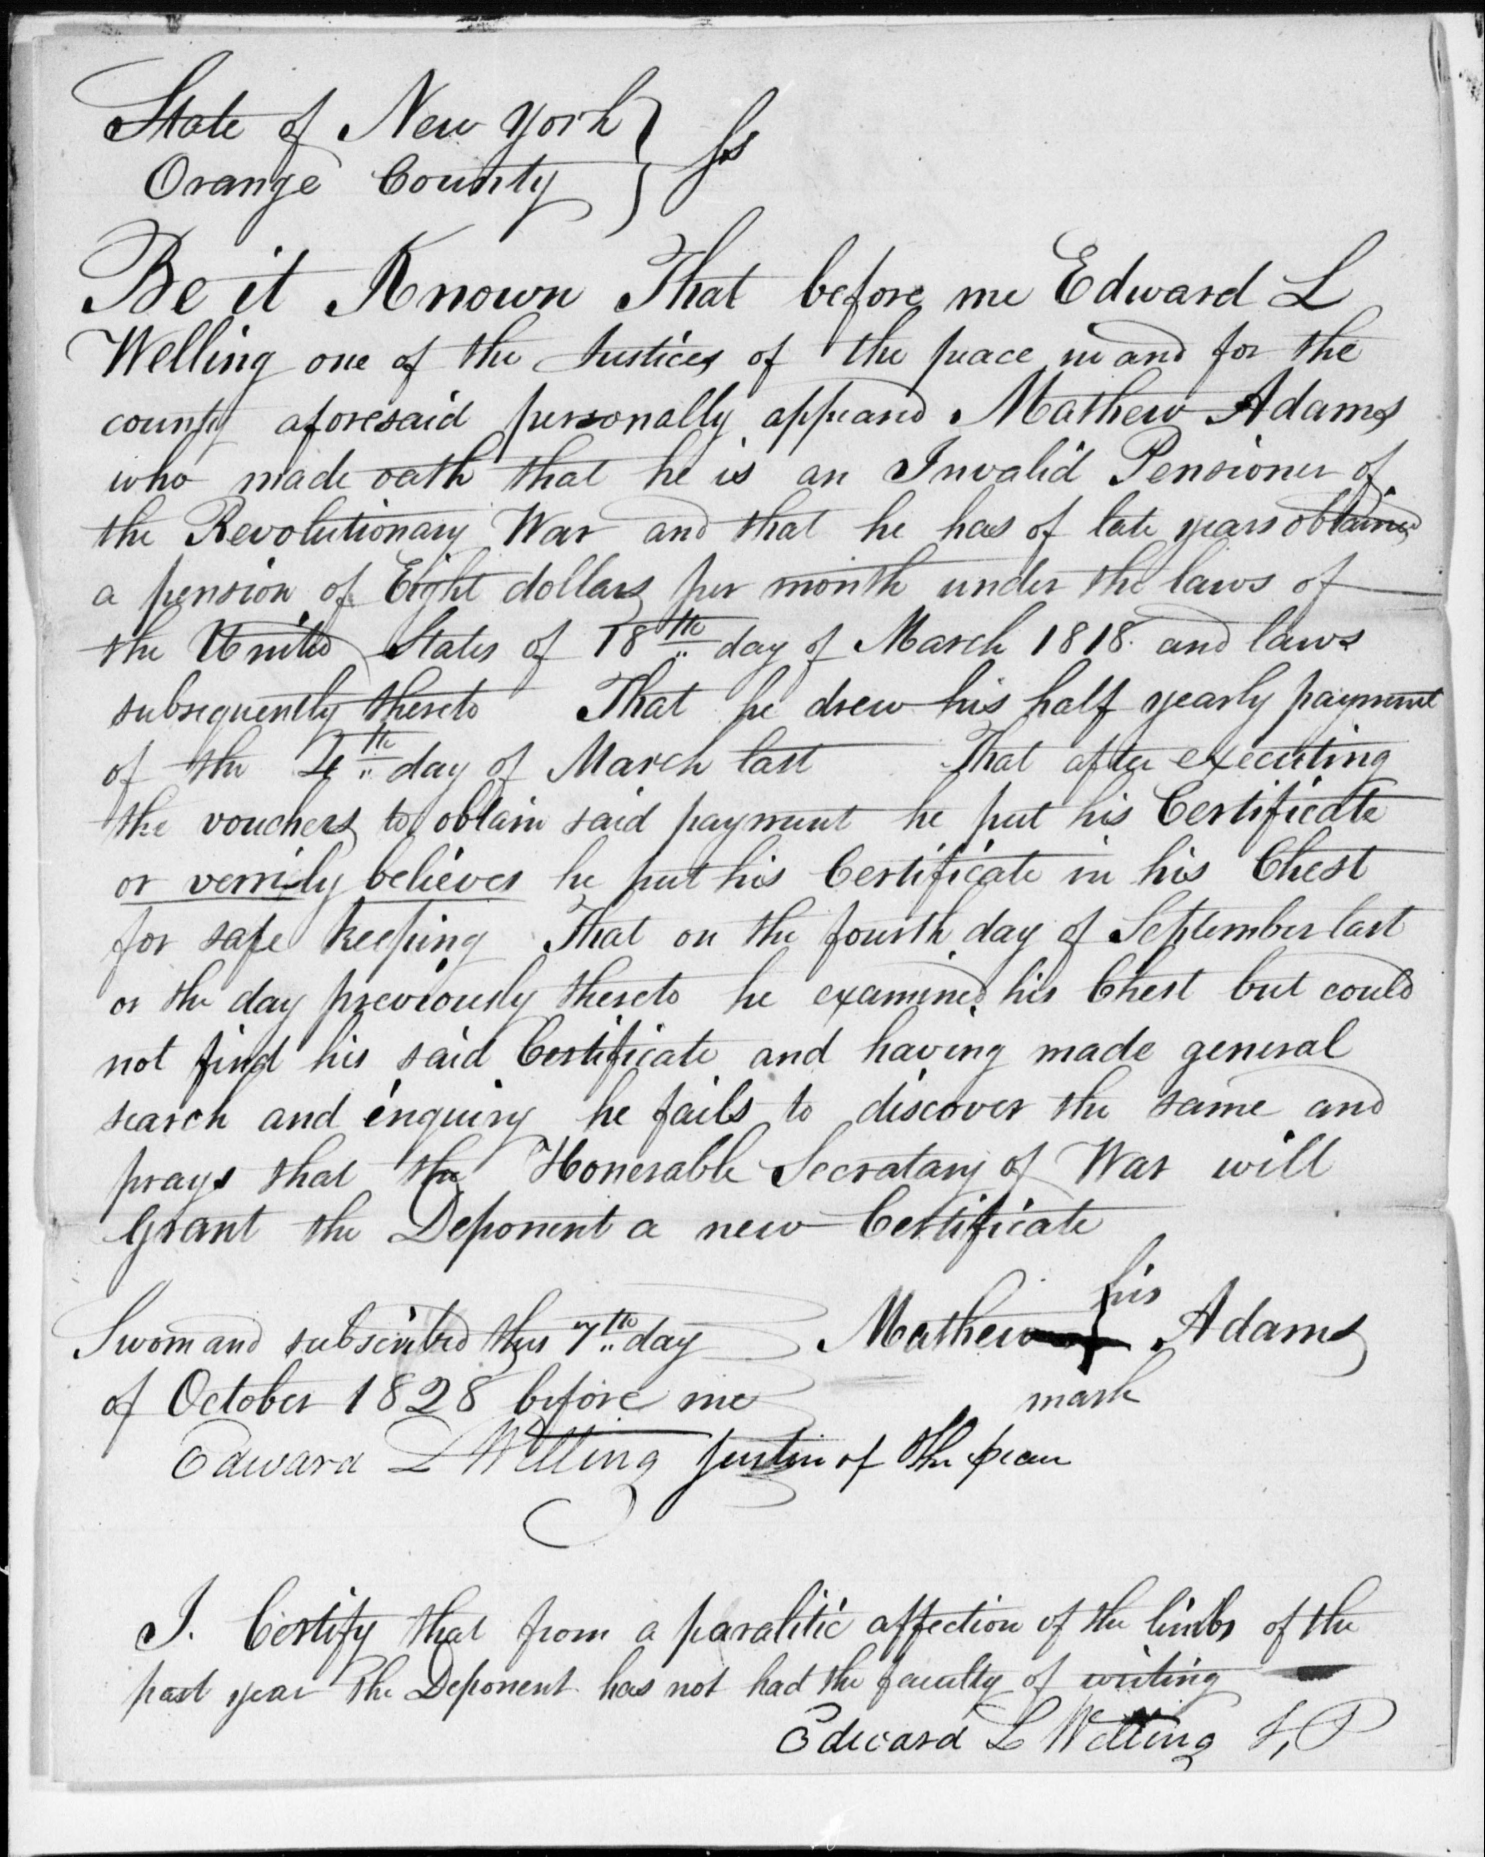State of New York
Orange County
Be it known that Before me Edward L Welling, one of the justices Of the Peace in and for The county  aforesaid personally appeared Mathew Adams who made oath that he is an invalid Pensioner of the revolutionary war and that he has Of late years Obtained a pension of eight dollars per month Under The laws Are the United States of 18th Day of March 18 18 and laws subsequently thereto. That he drew his half yearly payment Of the 4th Day of March Last. That After executing The vouchers to obtain said payment he put his certificate, or verily believes, he put his certificate in his chest for safe keeping. That on the fourth day of September last or the day previously thereto he examined his chest but could not find his said certificate and having made general search and inquiry he fails to discover the same and prays that the Honorable Secretary of War Will grant the Deponent A new certificate.
Mathew Adams his mark X
Sworn and subscribed this 7th day Of October 1828 before me
Edward L Welling Justice of the peace
I certify that from a paralitic affection of the limbs of the past year the deponent has not had the faculty of writing.
Edward L. Welling JP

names: Mathew Adams, Mathew Adams, Edward L Welling, Edward L Welling, Edward L Welling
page: 12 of 13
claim: survivor's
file: S. 28,212, Mathew Adams, New York